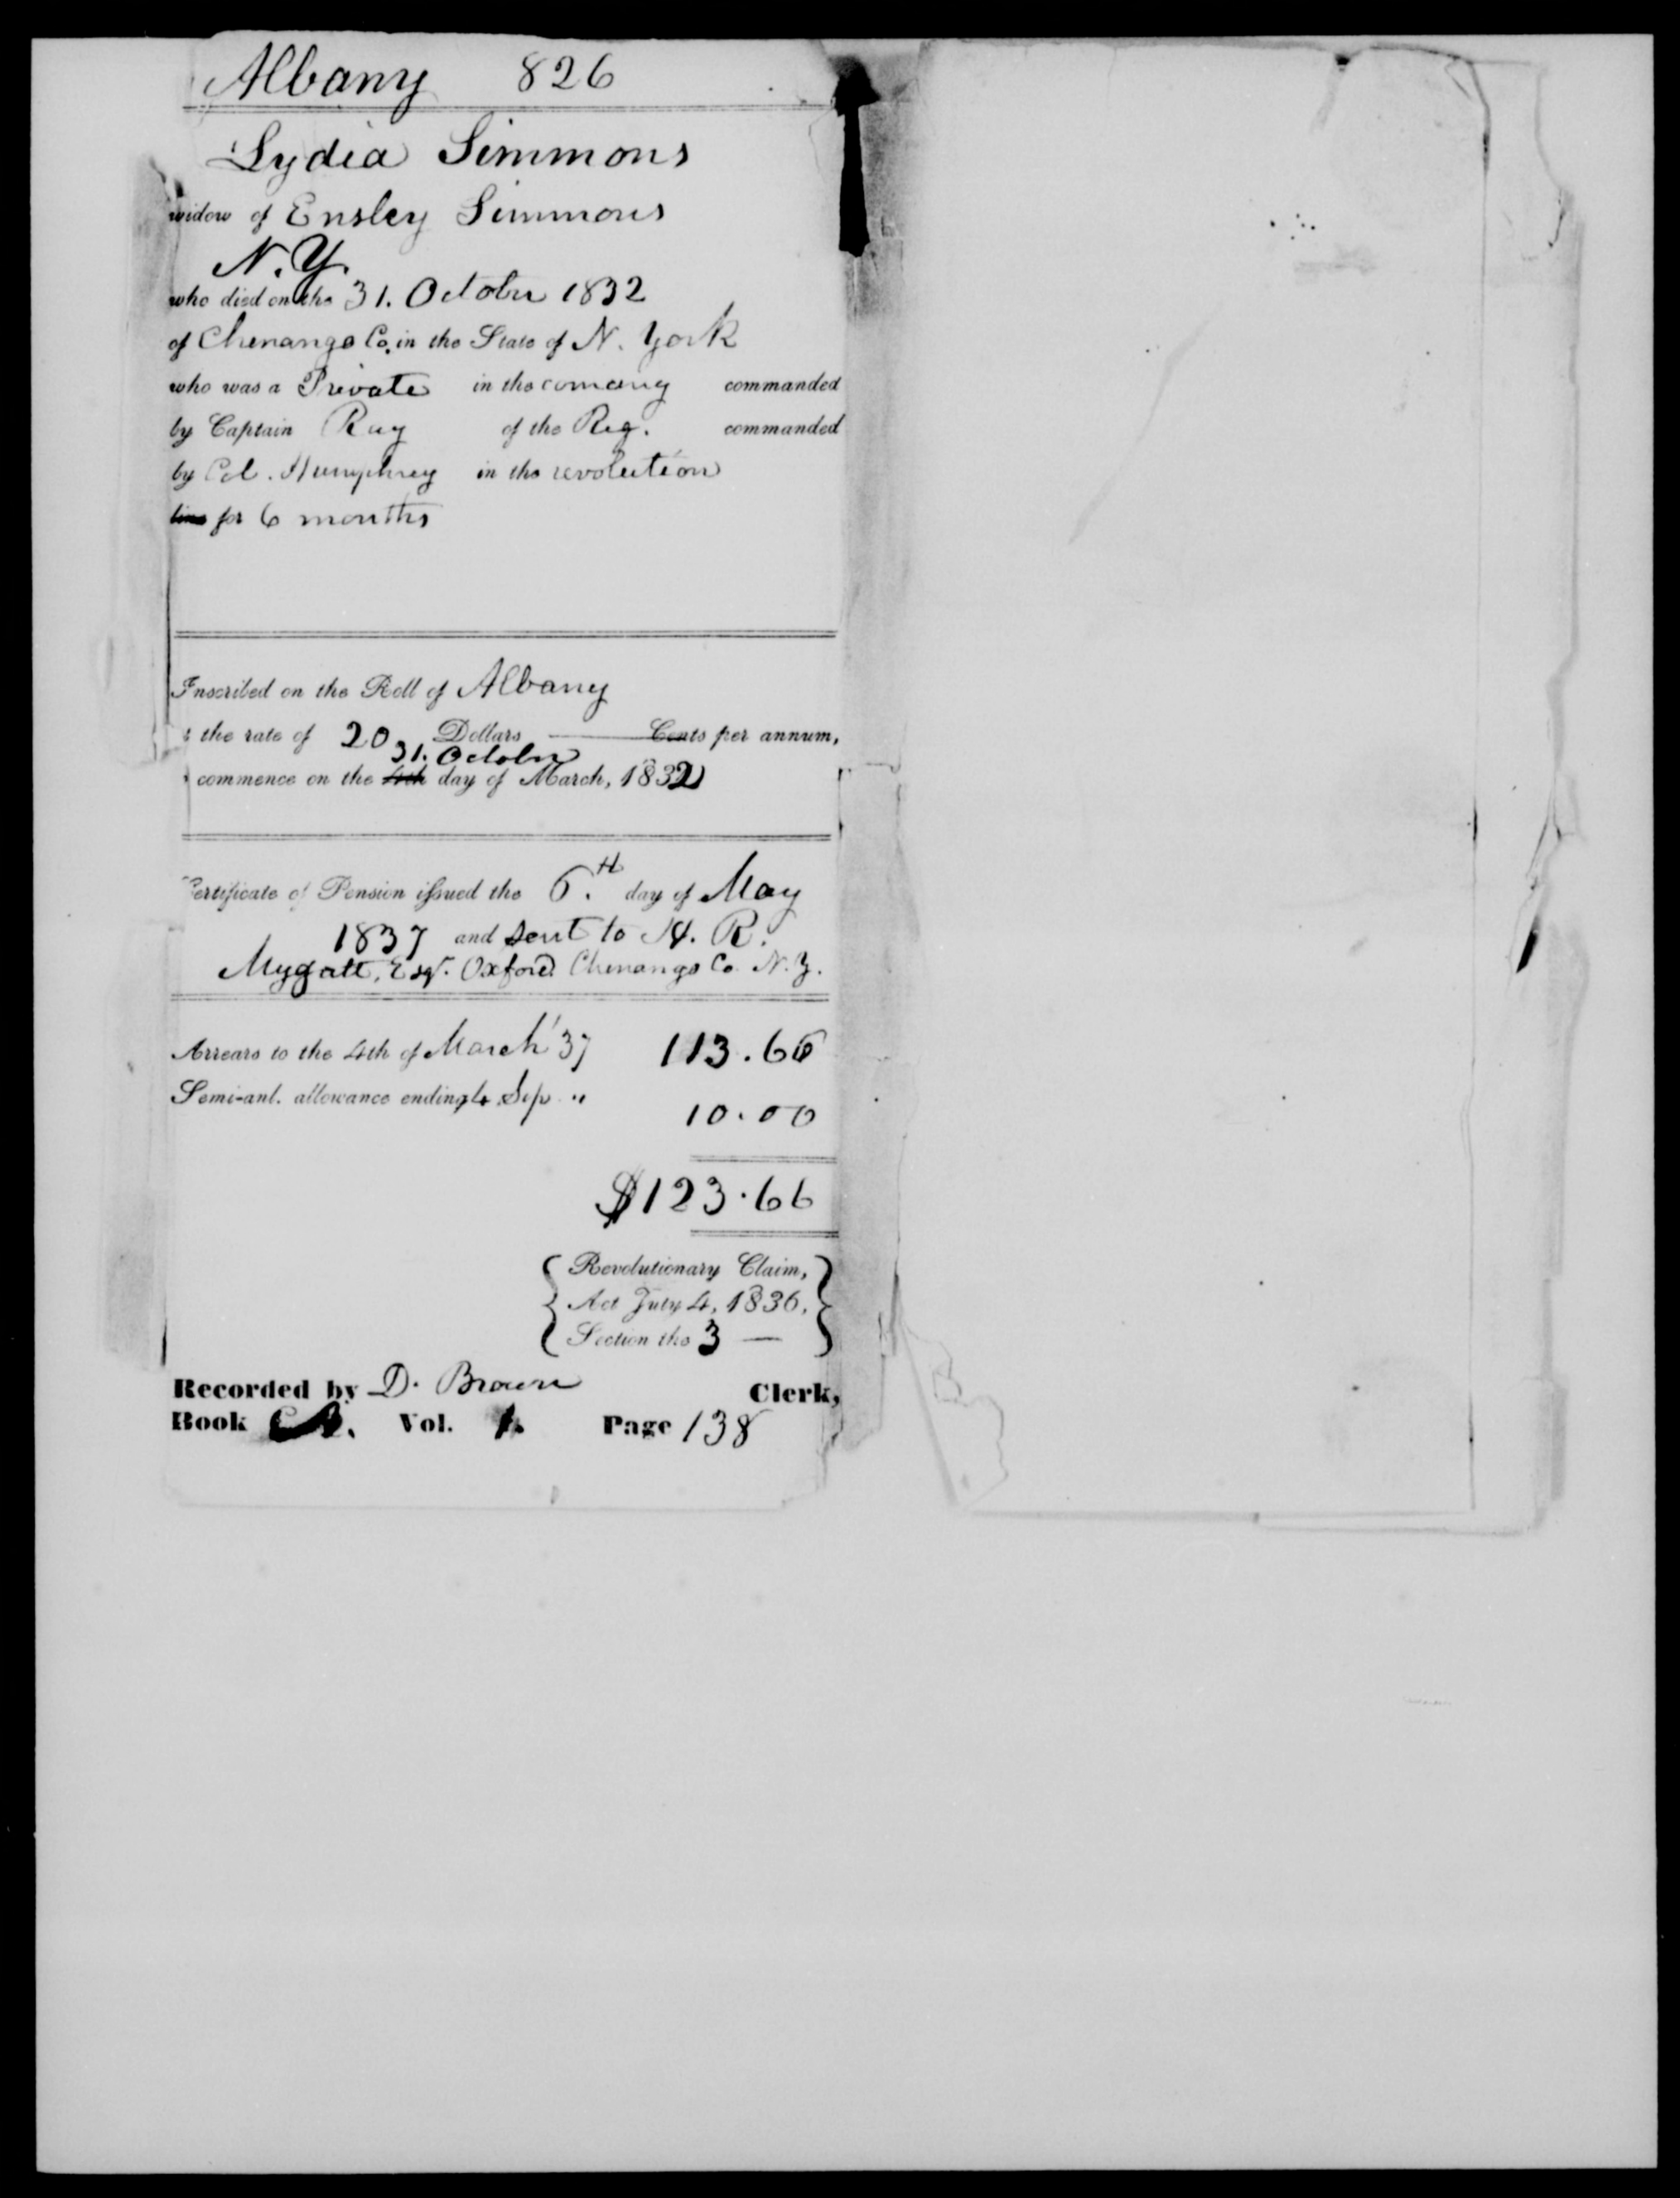Albany 826
Lydia Simmons widow of Ensley Simmons N.Y. who died on the 31. October 1832 of Chenango Co. in the State of N. York who was a Private in the comany commanded by Captain Ray of the Reg. commanded by Col. Humphrey in the revolution for 6 months

Inscribed on the Roll of Albany at the rate of 20 Dollars per annum, commence on the 31. day of October, 1832

Certificate of Pension issued the 6th day of May 1837 and sent to H. R. Mygatt, Esq. Oxford, Chenango Co. N.Y.

Arrears to the 4th of March '37 113.66
Semi-al. allowance ending 4 Sep. 37 10.00
$123.66
{Revolutionary Claim, Act July 4, 1836, Section tho 3}

Recorded by D. Brown Clerk, Book A, Vol 1 Page 138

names: D Brown; [BLANK] Ray; [BLANK] Humphrey; Ensley Simmons; H R Mygatt; Lydia Simmons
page: 11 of 29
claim: widow's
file: W. 19,032, for Ensley Simmons, New York